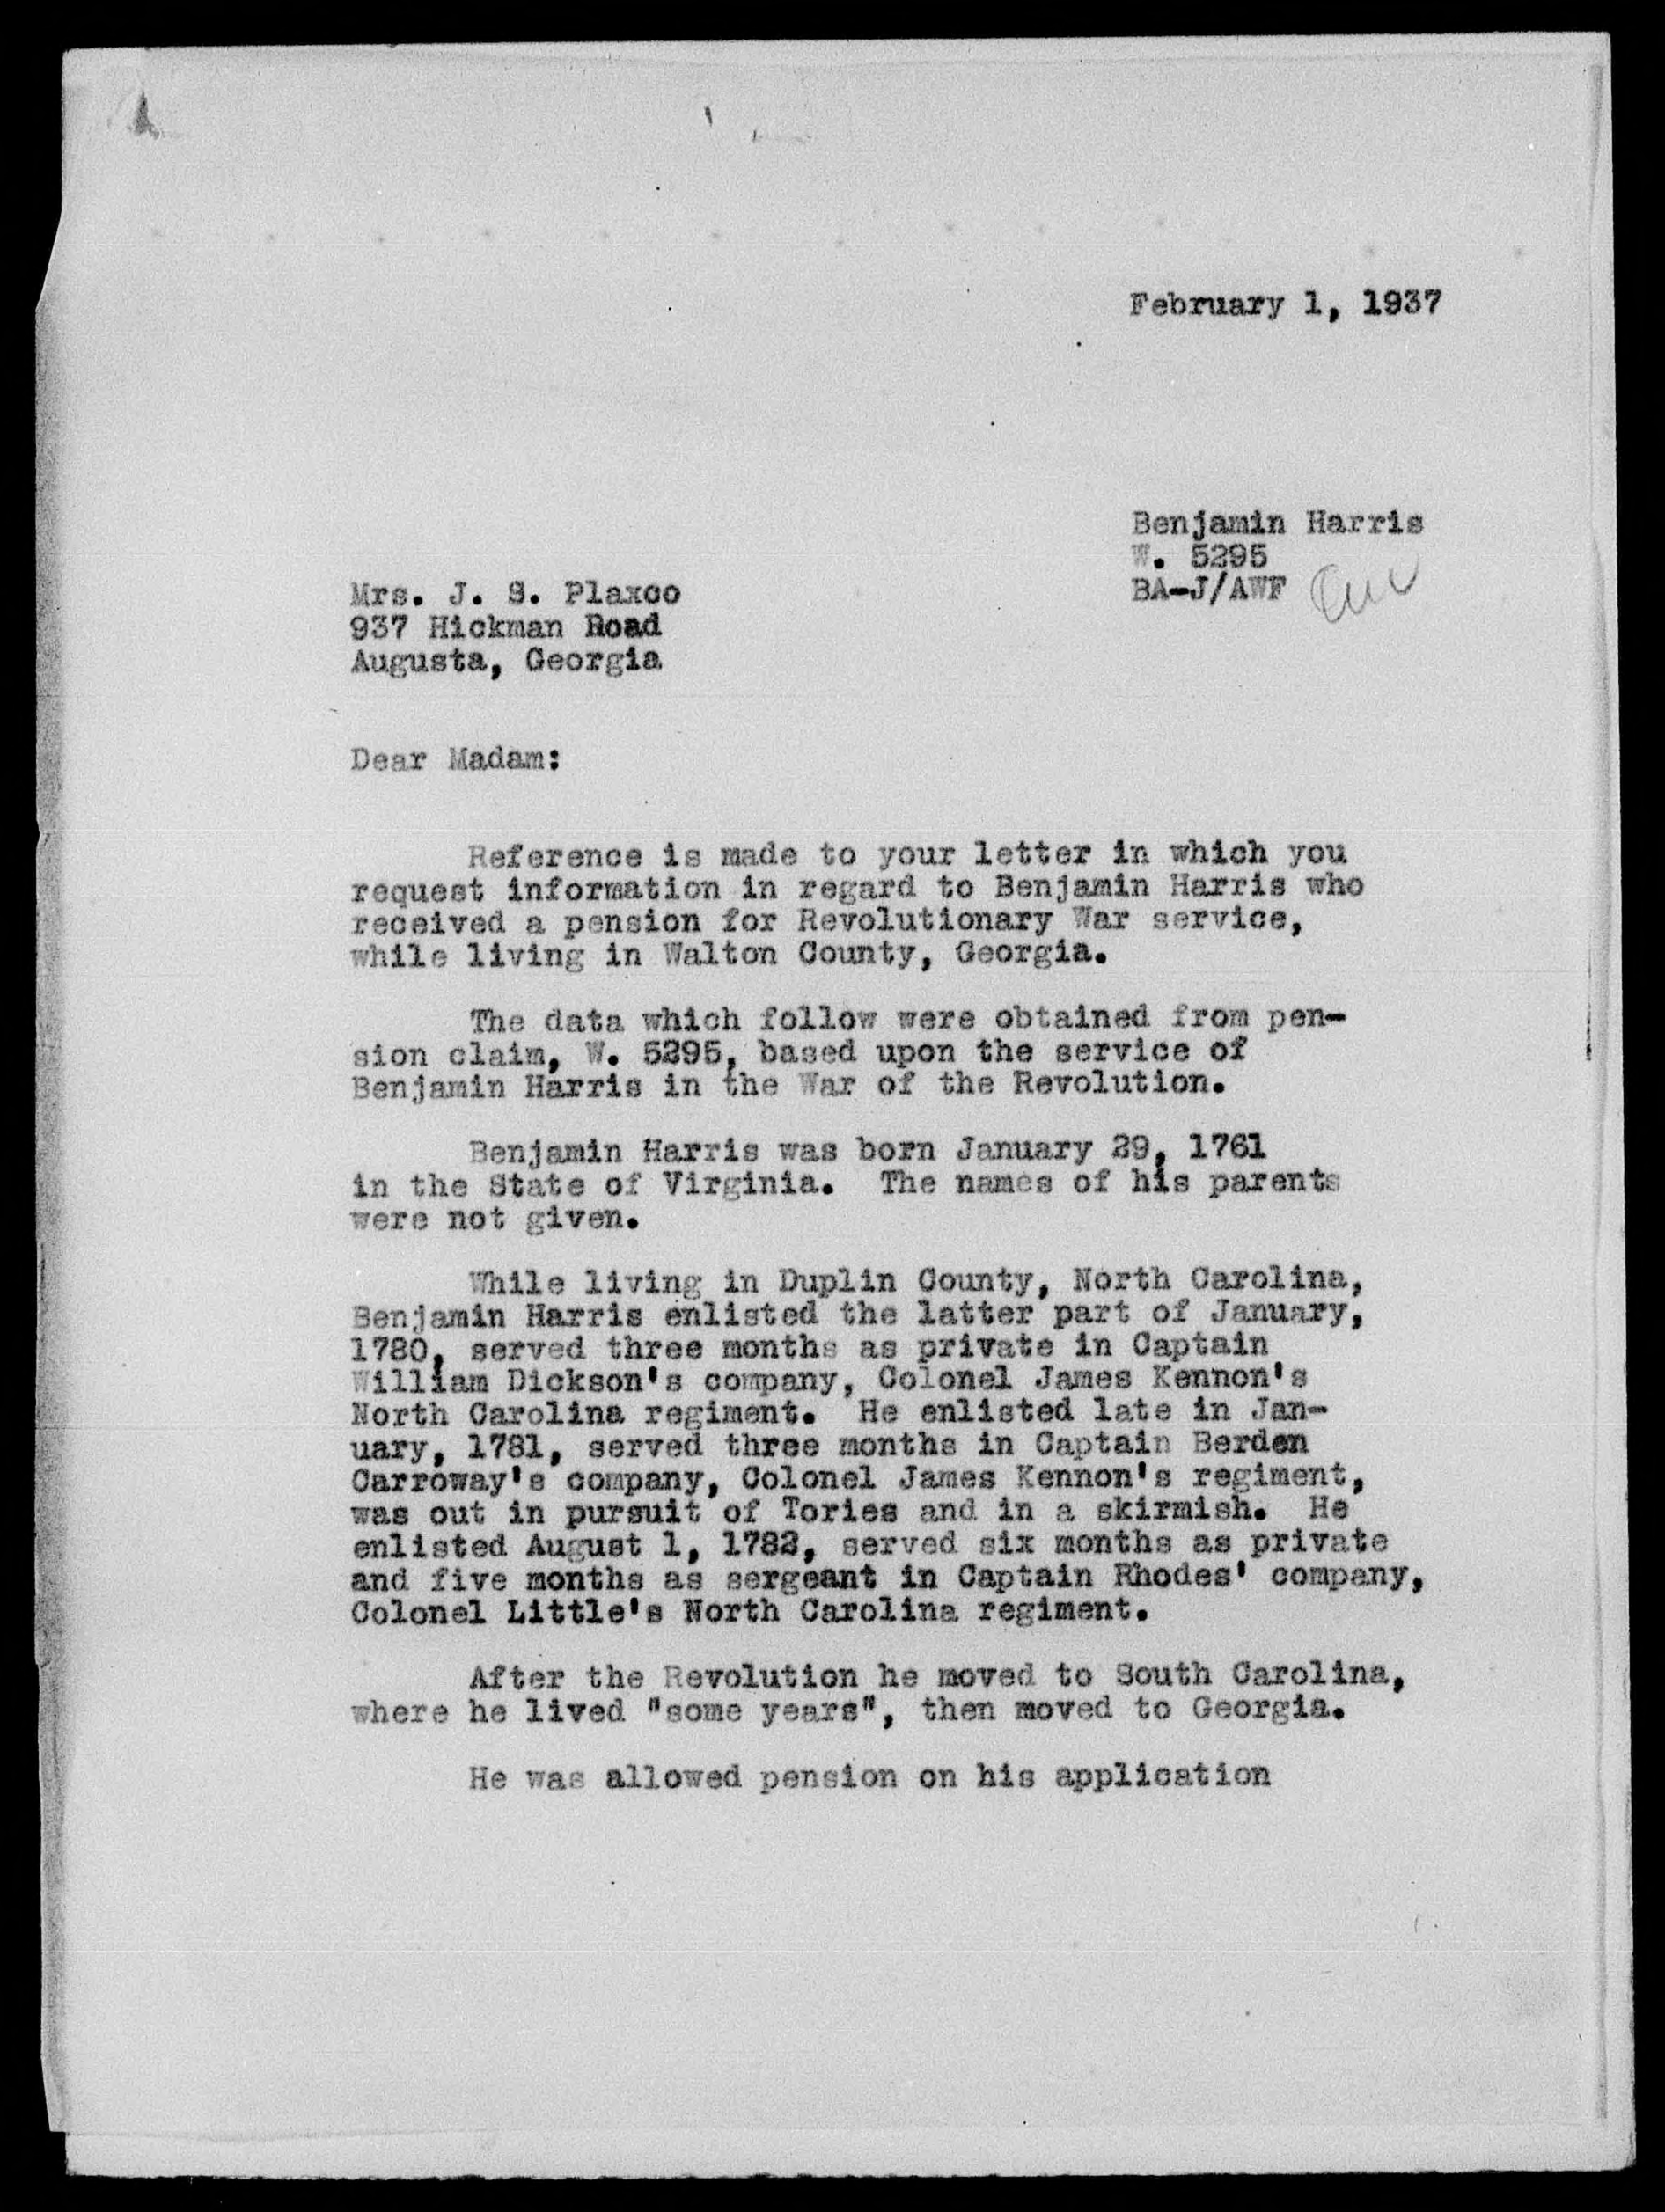February 1, 1937
Benjamin Harris 
W. 5295
BA-J/AWF

Mrs. J.S. Plaxco
937 Hickman Road
Augusta, Georgia

Dear Madam:

Reference is made to your letter in which you request information in regard to Benjamin Harris who received a pension for Revolutionary War service, while living in Walton County, Georgia. The data which follow were obtained from pension claim, W. 5295 based upon the service of Benjamin Harris in the War of Revolution. Benjamin Harris was born January 29, 1761, in the State of Virgina. The names of his parents were not given. While living in Duplin County, North Carolina, Benjamin Harris enlisted the latter part of January 1780, served three months as private in Captain Willia, Dickson's company, Colonel James Kennon's North Carolina regiment. He enlisted late in January 1781, served three months in Captain Berden Carroway's company, Colonel James Kennon's regiment, was out in pursuit of Tories and in a skirmish. He enlisted August 1, 1782, served six months as private and five months as sergeant in Captain Rhodes' company. Colonel Little's North Carolina regiment.

After the Revolution he moved to South Carolina where he live "some years", then moved to Georgia. He was allowed pension on his application.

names: J S Plaxco, Benjamin Harris, Benjamin Harris, Benjamin Harris, Benjamin Harris, Benjamin Harris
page: 22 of 62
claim: survivor's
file: S. 38816, Benjamin Harris, Mass.